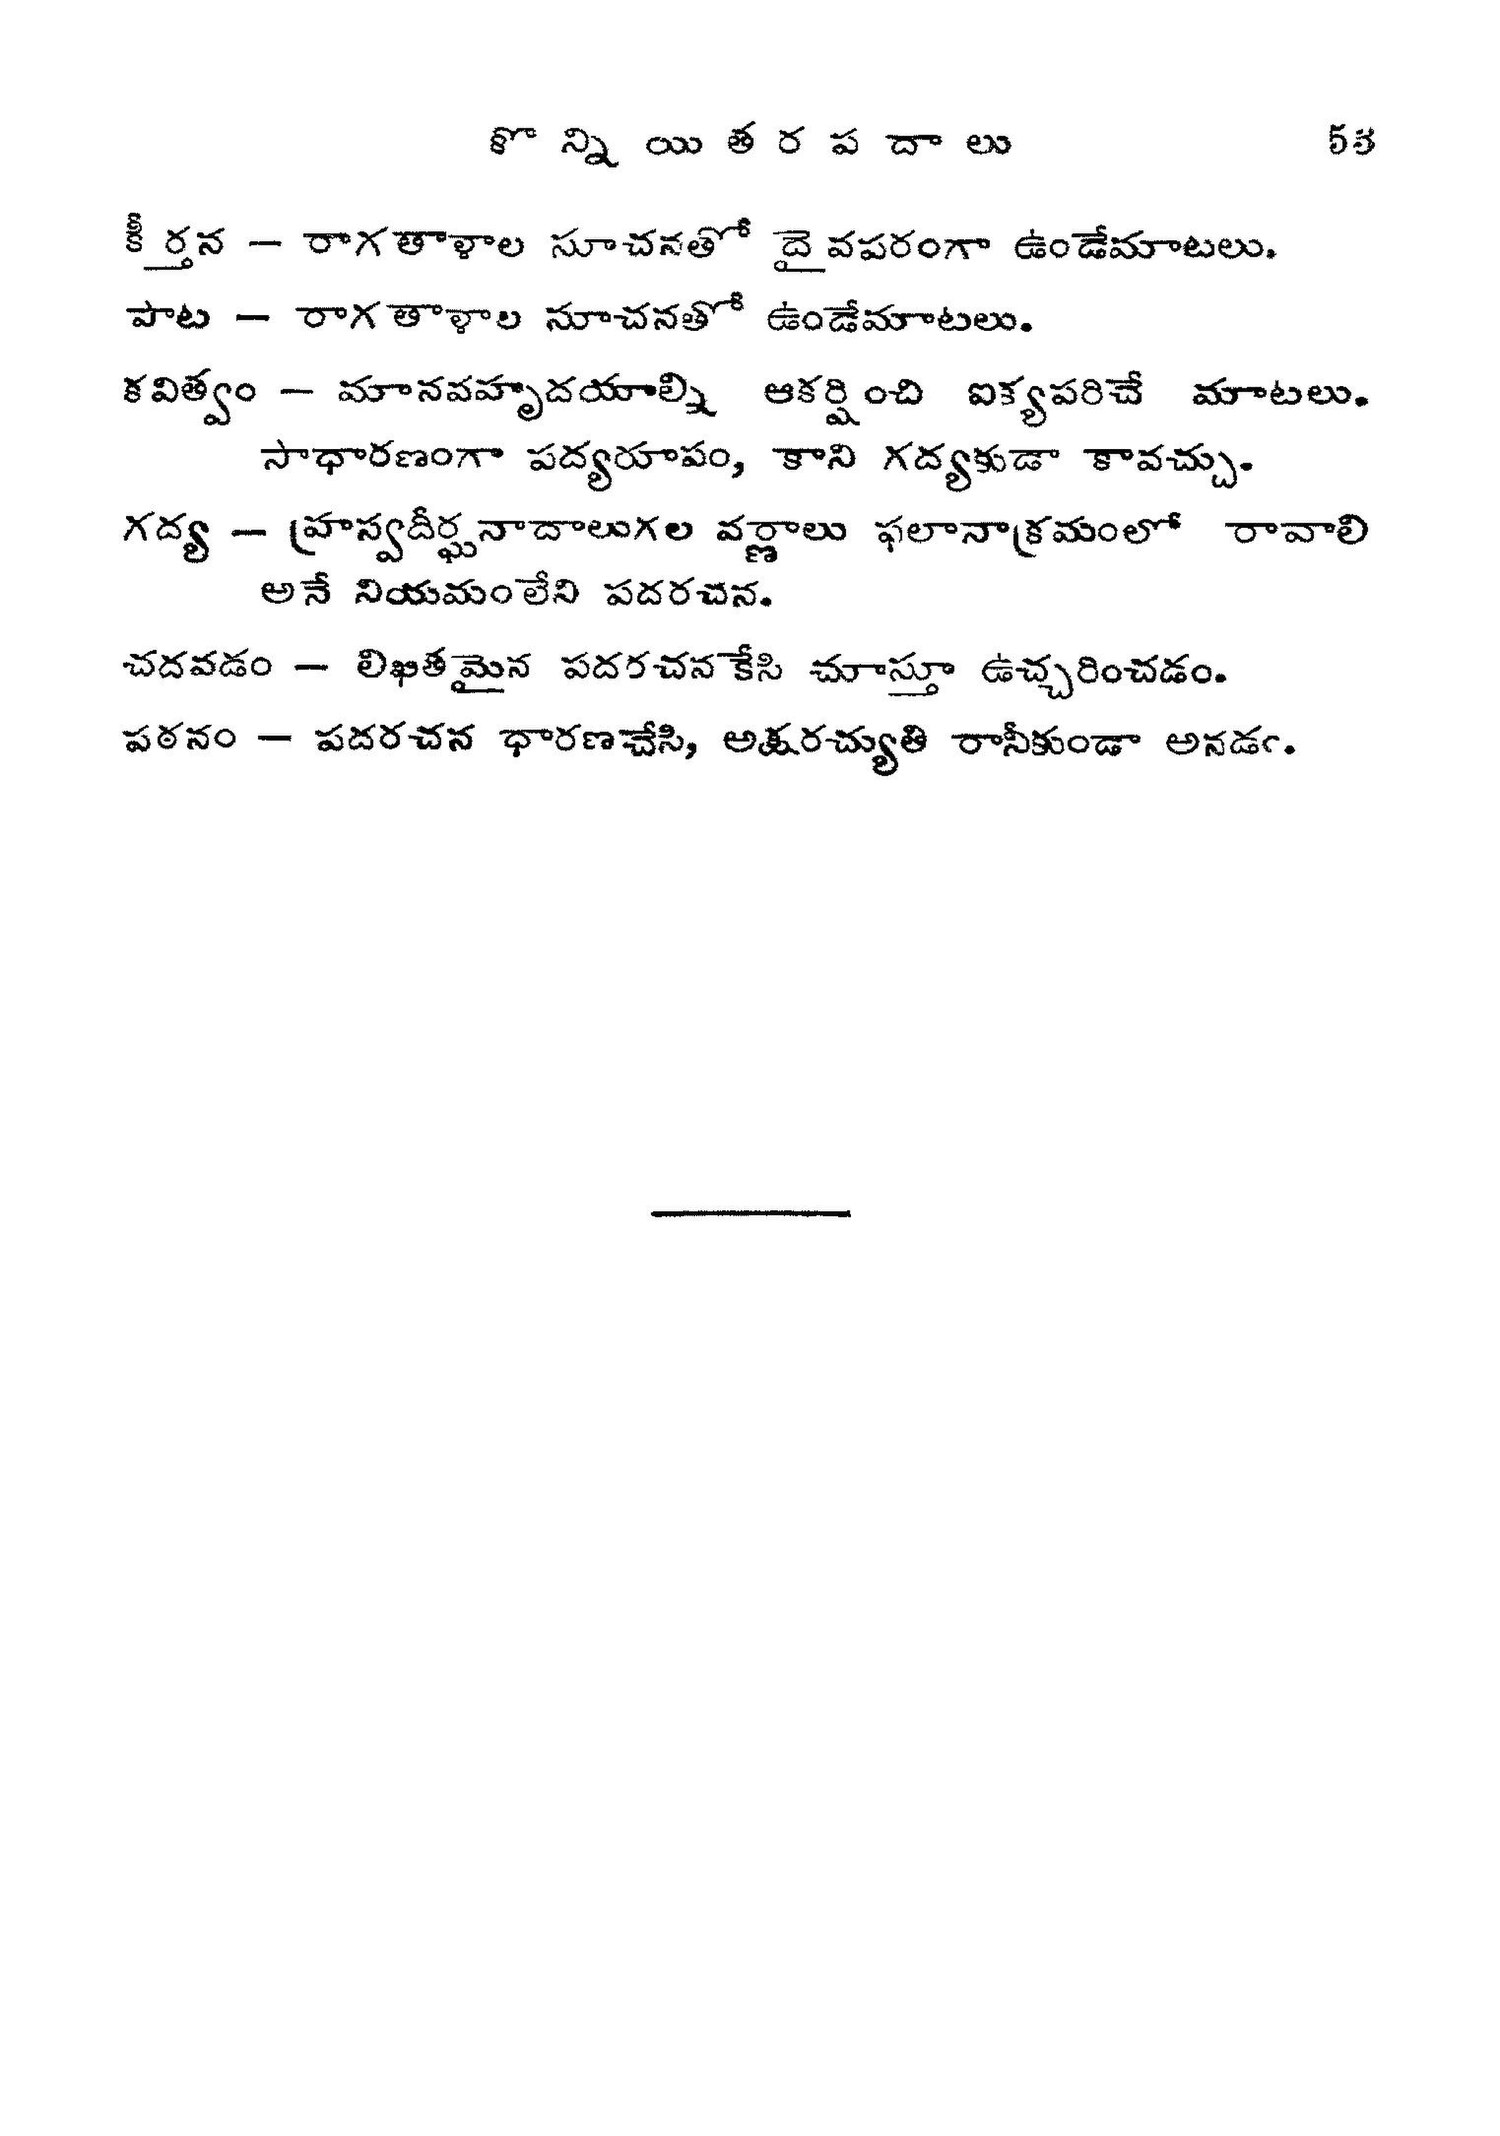కీర్తన - రాగతాళాల సూచనతో దైవపరంగా ఉండేమాటలు.

పాట - రాగ తాళాల సూచనతో ఉండేమాటలు.

కవిత్వం - మానవహృదయాల్ని ఆకర్షించి ఐక్యపరిచే మాటలు.
సాధారణంగా పద్యరూపం, కాని గద్యకుడా కావచ్చు.

గద్య - హ్రస్వదీర్ఘనాదాలుగల వర్ణాలు ఫలానాక్రమంలో రావాలి
అనే నియమంలేని పదరచన.

చదవడం - లిఖితమైన పదరచనకేసి చూస్తూ ఉచ్చరించడం.

పఠనం - పదరచన ధారణచేసి, అక్షరచ్యుతి రానీకుండా అనడం.